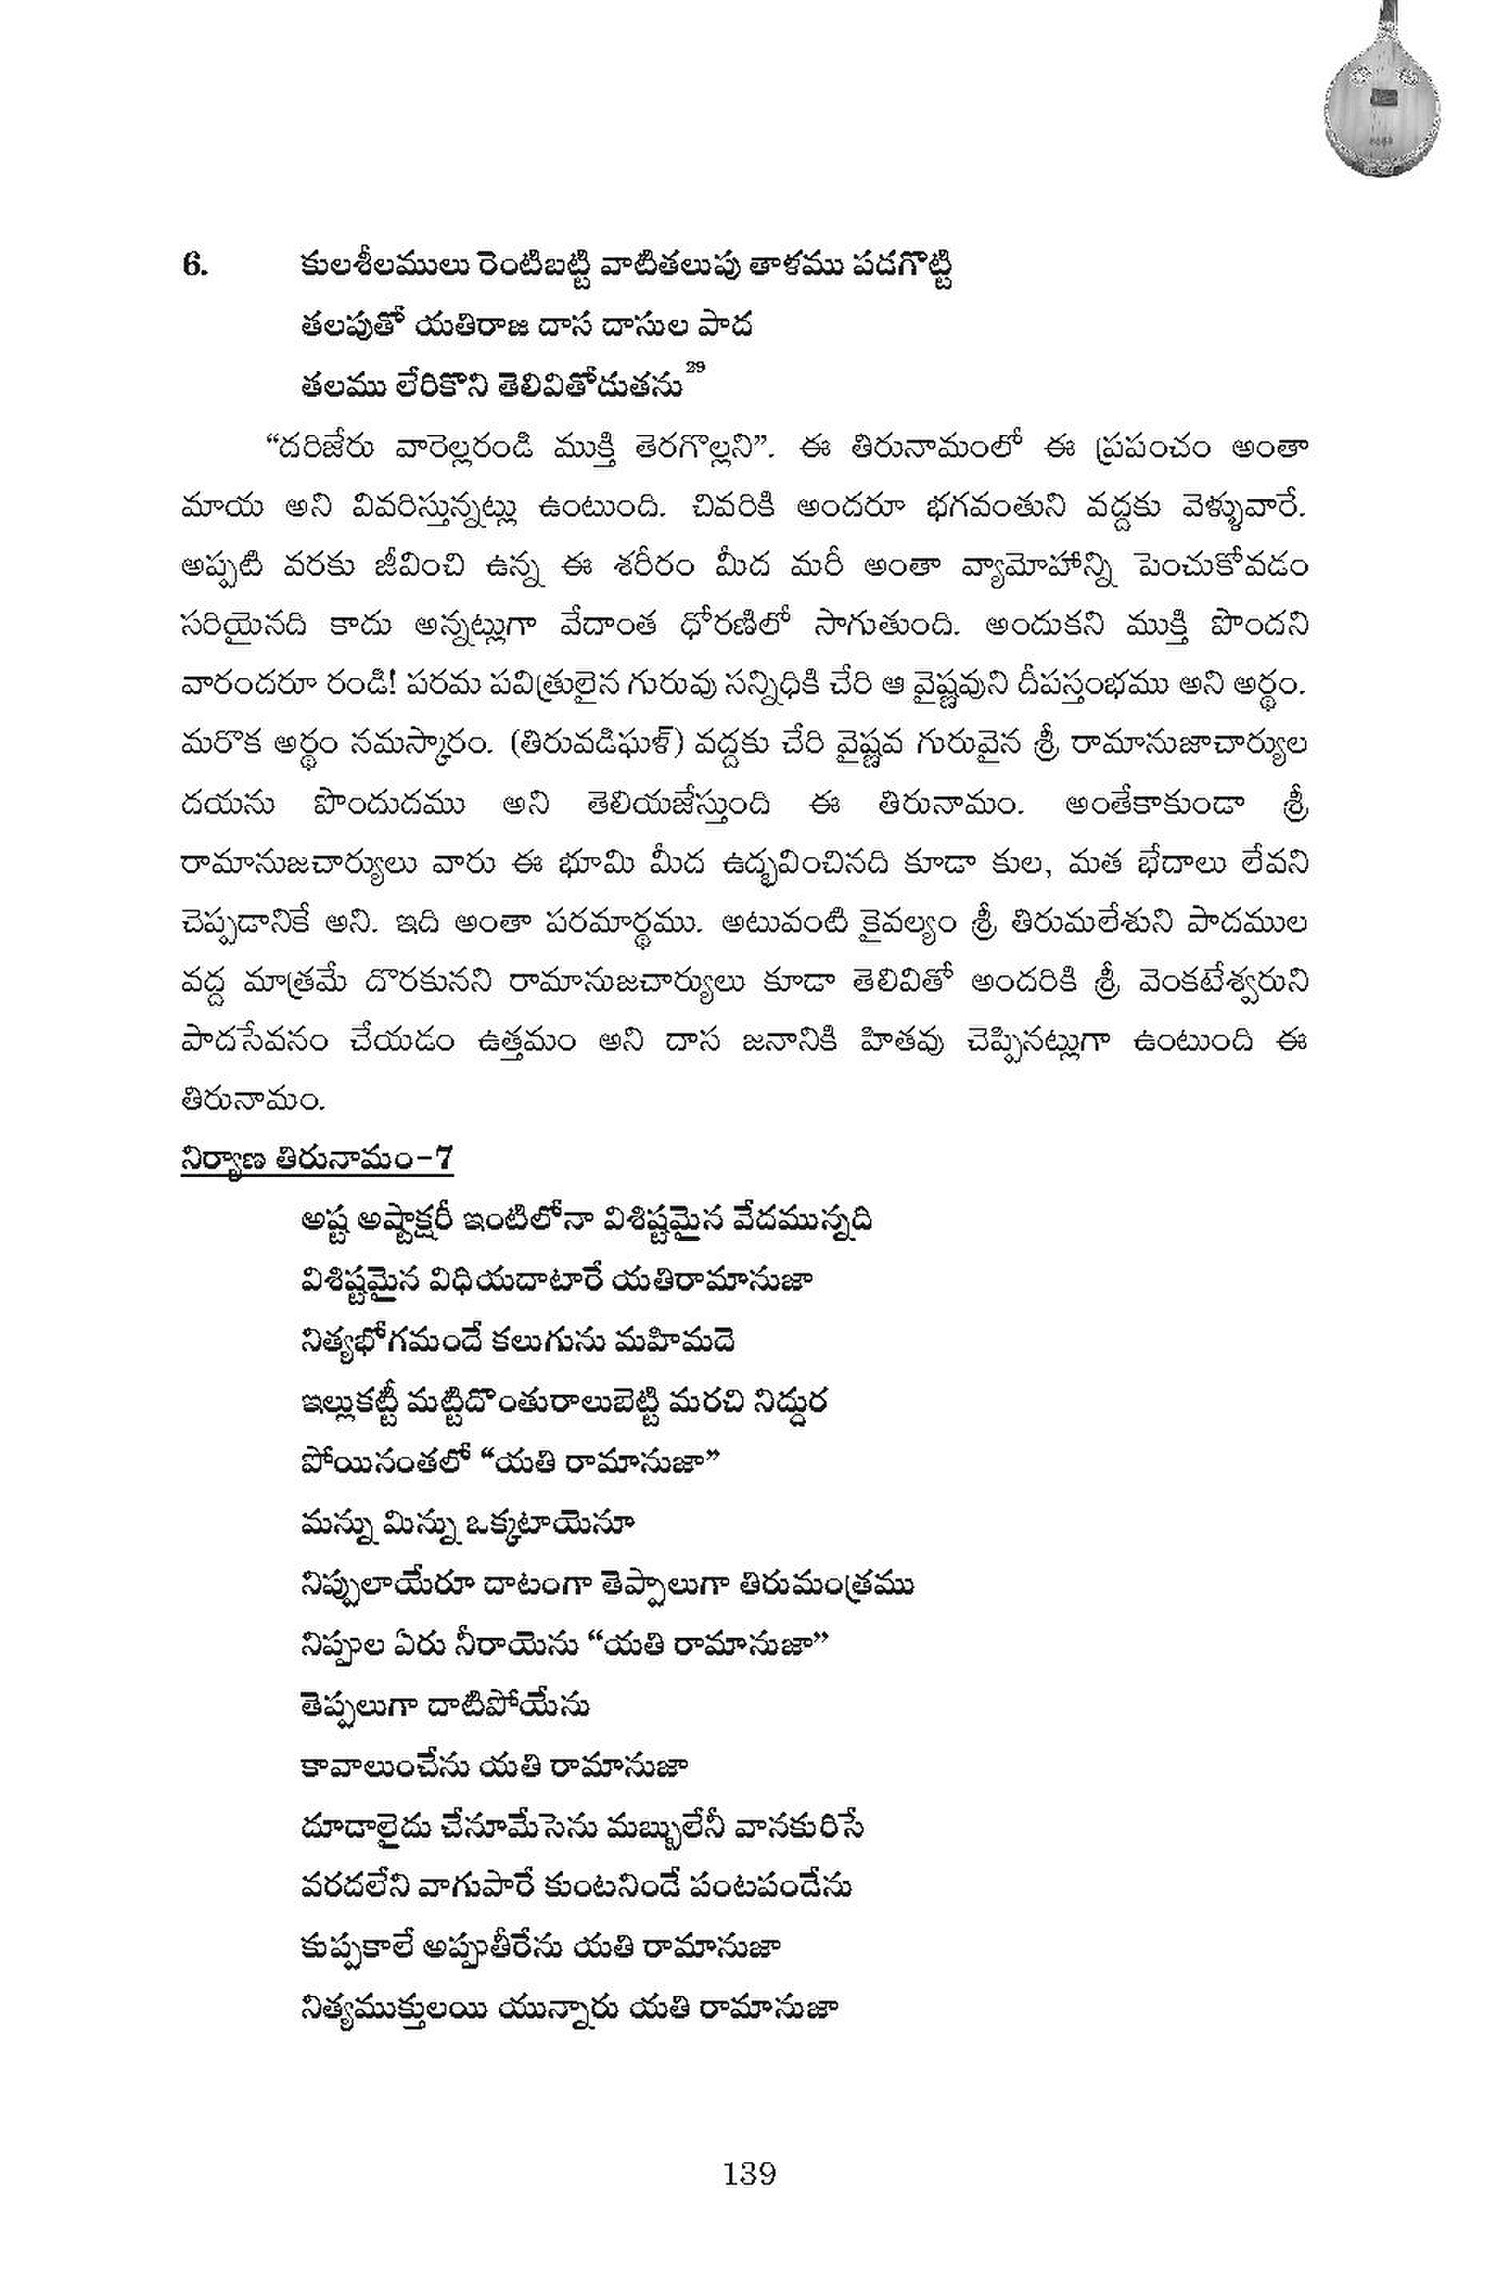6. కులశీలములు రెంటిబట్టి వాటితలుపు తాళము పడగొట్టి
తలపుతో యతిరాజ దాస దాసులు పాద
తలము లేరికొని తెలివితోడుతను29

"దరిజేరు వారెల్లరండి ముక్తి తెరగొల్లని". ఈ తిరునామంలో ఈ ప్రపంచం అంతా మాయ అని వివరిస్తున్నట్లు ఉంటుంది. చివరికి అందరూ భగవంతుని వద్దకు వెళ్ళువారే. అప్పటి వరకు జీవించి ఉన్న ఈ శరీరం మీద మరీ అంతా వ్యామోహాన్ని పెంచుకోవడం సరియైనది కాదు అన్నట్లుగా వేదాంత ధోరణిలో సాగుతుంది. అందుకని ముక్తి పొందని వారందరూ రండి! పరమ పవిత్రులైన గురువు సన్నిధికి చేరి ఆ వైష్ణవుని దీపస్తంభము అని అర్థం. మరొక అర్థం నమస్కారం. (తిరువడిఘళ్) వద్దకు చేరి వైష్ణవ గురువైన శ్రీ రామానుజాచార్యుల దయను పొందుదము అని తెలియజేస్తుంది ఈ తిరునామం. అంతే కాకుండా రామానుజచార్యులు వారు ఈ భూమి మీద ఉద్భవించినది కూడా కుల, మత భేదాలు లేవని చెప్పడానికే అని. ఇది అంతా పరమార్థము. అటువంటి కైవల్యం శ్రీ తిరుమలేశుని పాదముల వద్ద మాత్రమే దొరకునని రామానుజ చార్యులు కూడా తెలివితో అందరికి శ్రీ వెంకటేశ్వరుని పాదసేవనం చేయడం ఉత్తమం అని దాస జనానికి హితవు చెప్పినట్లుగా ఉంటుంది ఈ తిరునామం.

నిర్వాణ తిరునామం-7

అష్ట అష్టాక్షరీ ఇంటిలోనా విశిష్టమైన వేదమున్నది
విశిష్టమైన విధియదాటారే యతిరామానుజా
నిత్యభోగమందే కలుగును మహిమదె
ఇల్లుకట్టీ మట్టిదొంతురాలుబెట్టి మరచి నిద్దుర
పోయినంతలో “యతి రామానుజా"
మన్ను మిన్ను ఒక్కటాయెనూ
నిప్పులాయేరూ దాటంగా తెప్పాలుగా తిరుమంత్రము
నిప్పుల ఏరు నీరాయెను “యతి రామానుజా”
తెప్పలుగా దాటిపోయేను
కావాలుంచేను యతి రామానుజా
దూడాలైదు చేనూమేసెను మబ్బులేనీ వానకురిసే
వరదలేని వాగుపారే కుంటనిండే పంటపండేను
కుప్పకాలే అప్పుతీరేను యతి రామానుజా
నిత్యముక్తులయి యున్నారు యతి రామానుజా